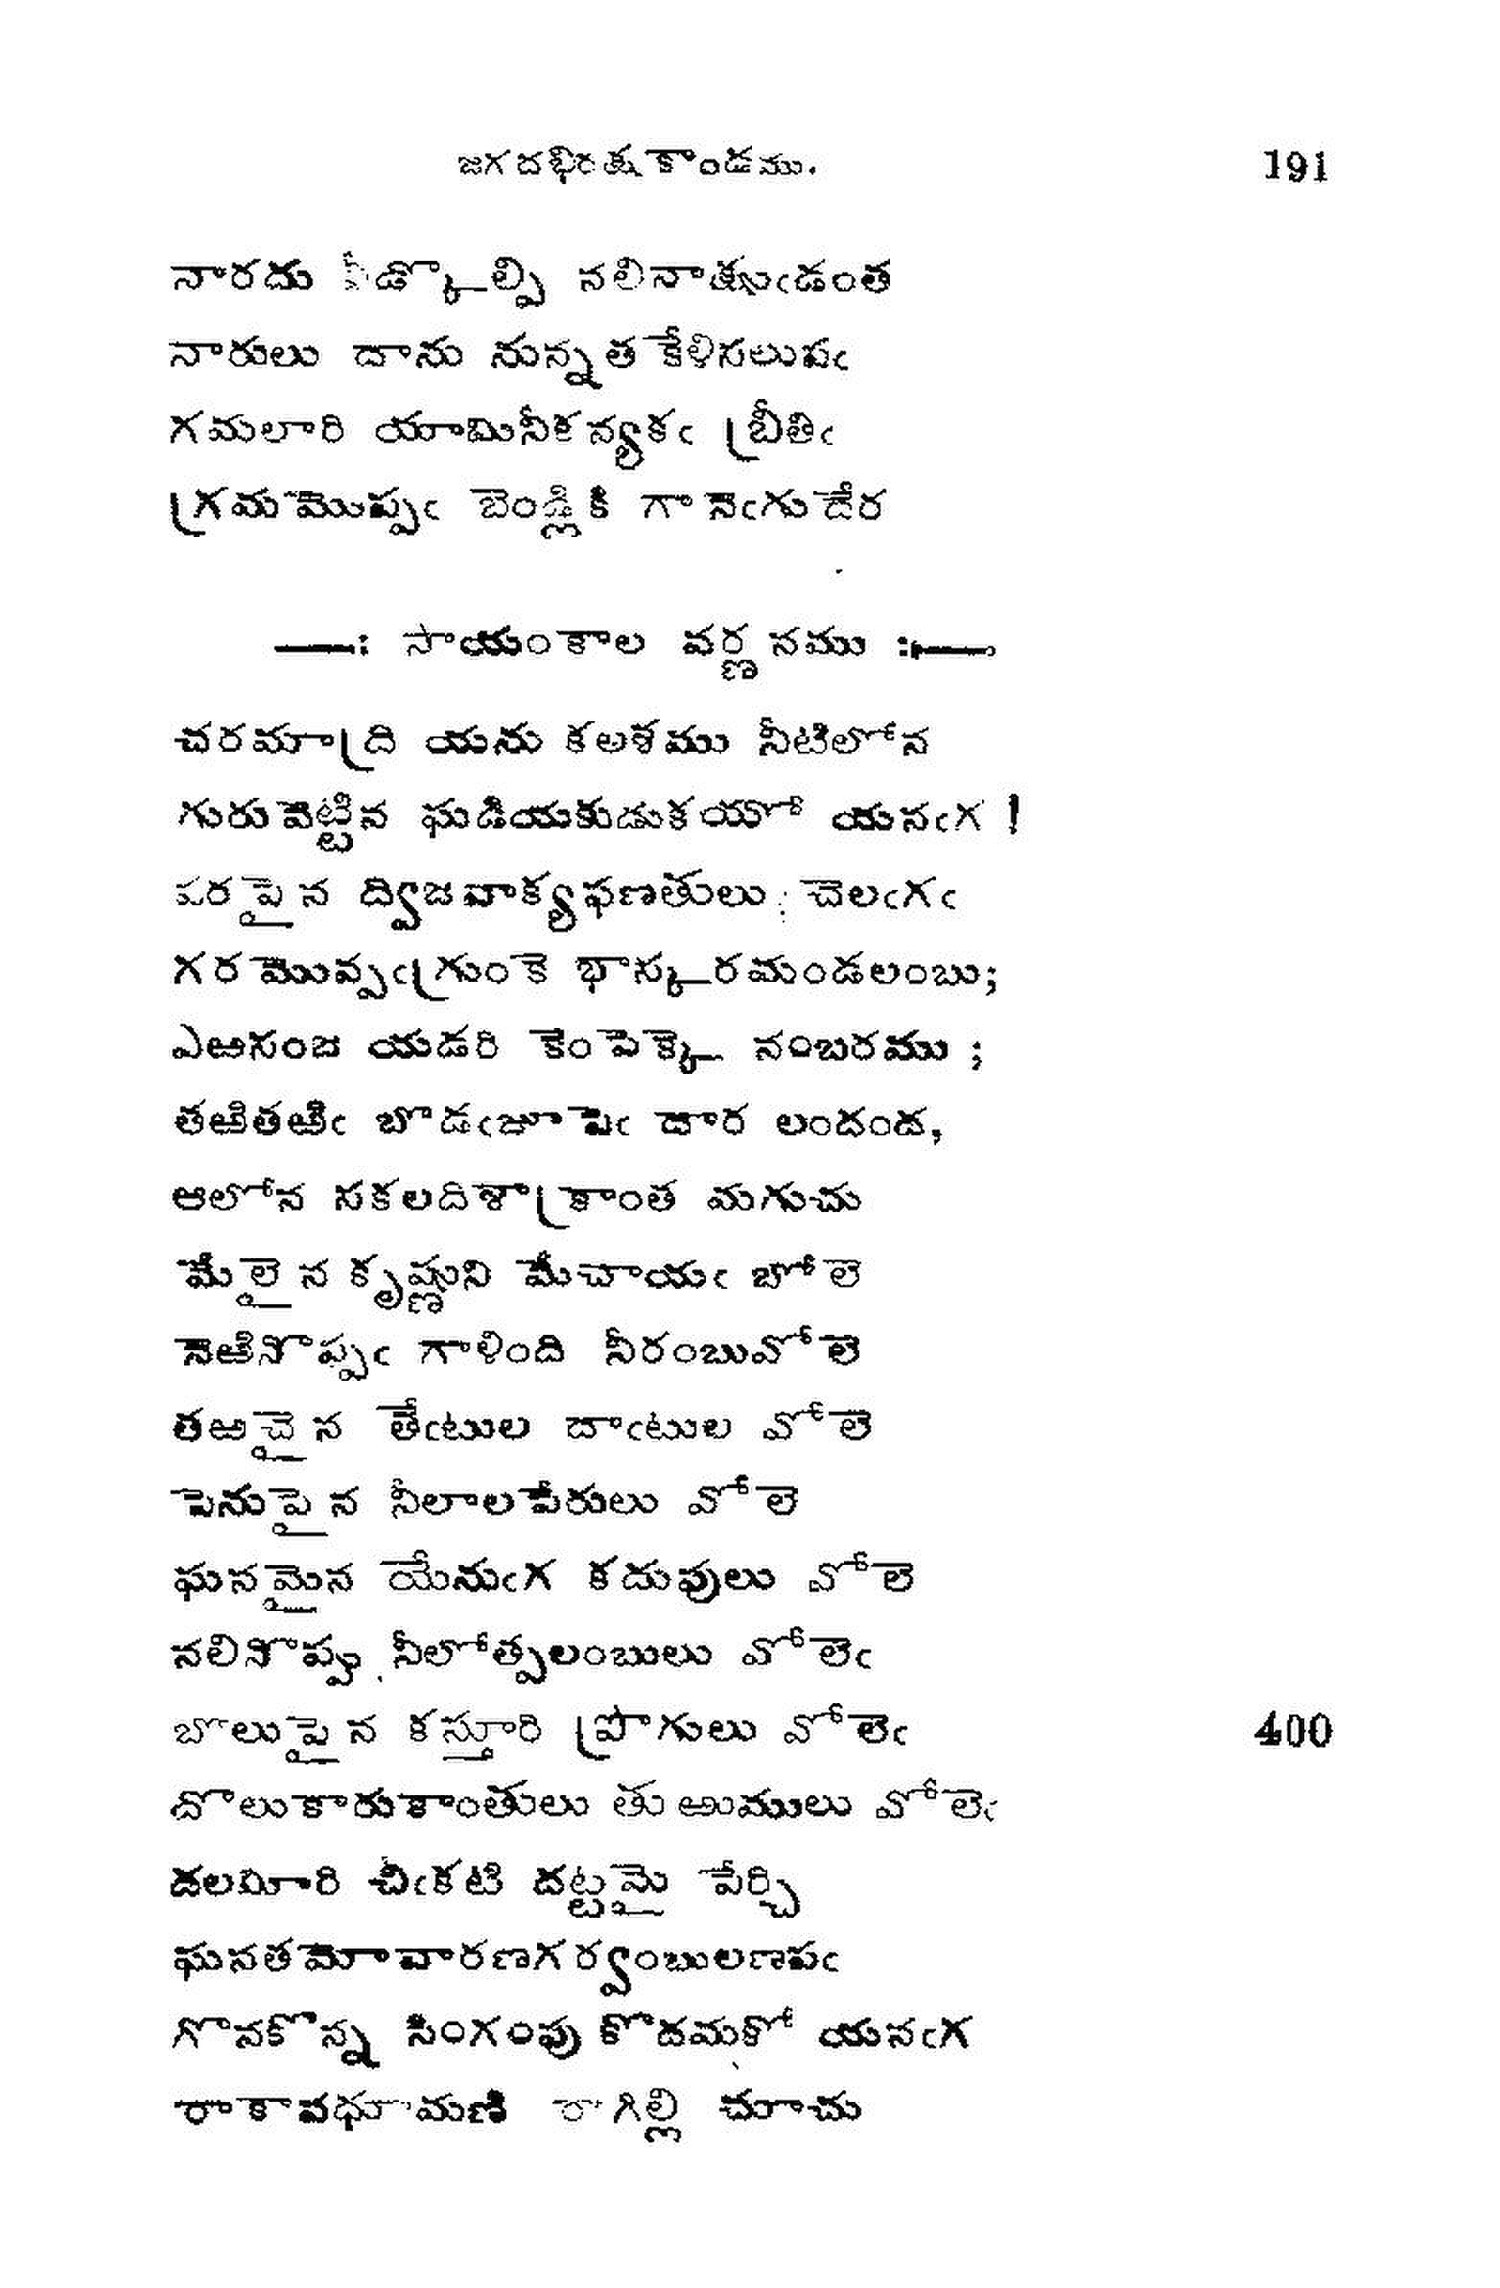“నారదు వీడ్కొల్పి నలినాక్షుఁడంత
నారులు దాను నున్నత కేళిసలుపఁ
గమలారి యామినీకన్యకఁ బ్రీతిఁ 
గ్రమమొప్పఁ బెండ్లికి గానేఁగుదేర

చరమాద్రి యను కలశము నీటిలోన 
గురువెట్టిన ఘడియకుడుకయో యనఁగ! 
పరపైన ద్విజవాక్యఫణతులు చెలఁగఁ
గరమొప్పఁ గ్రుంకె భాస్కరమండలంబు; 
ఎఱసంజ యడరి కెంపెక్కె నంబరము; 
తఱితఱిఁ బొడఁజూపెఁ దార లందంద, 
ఆలోన సకలదిశాక్రాంత మగుచు 
మేలైన కృష్ణుని మేచాయఁ బోలె
నెఱినొప్పఁ గాళింది నీరంబువోలె
తఱచైన తేఁటుల దాటుఁల వోలె
పెనుపైన నీలాల పేరులు వోలె
ఘనమైన యేనుఁగ కదువులు వోలె
నలినొప్పు నీలోత్పలంబులు వోలెఁ
బొలుపైన కస్తూరి ప్రోగులు వోలెఁ 
దొలుకారుకాంతులు తుఱుములు వోలెఁ
దలమీరి చీఁకటి దట్టమై పేర్చి
ఘనతమోవారణగర్వంబు లణపఁ
గొనకొన్న సింగంపు కొదమకో యనఁగ
రాకావధూమణి రాగిల్లి చూచు